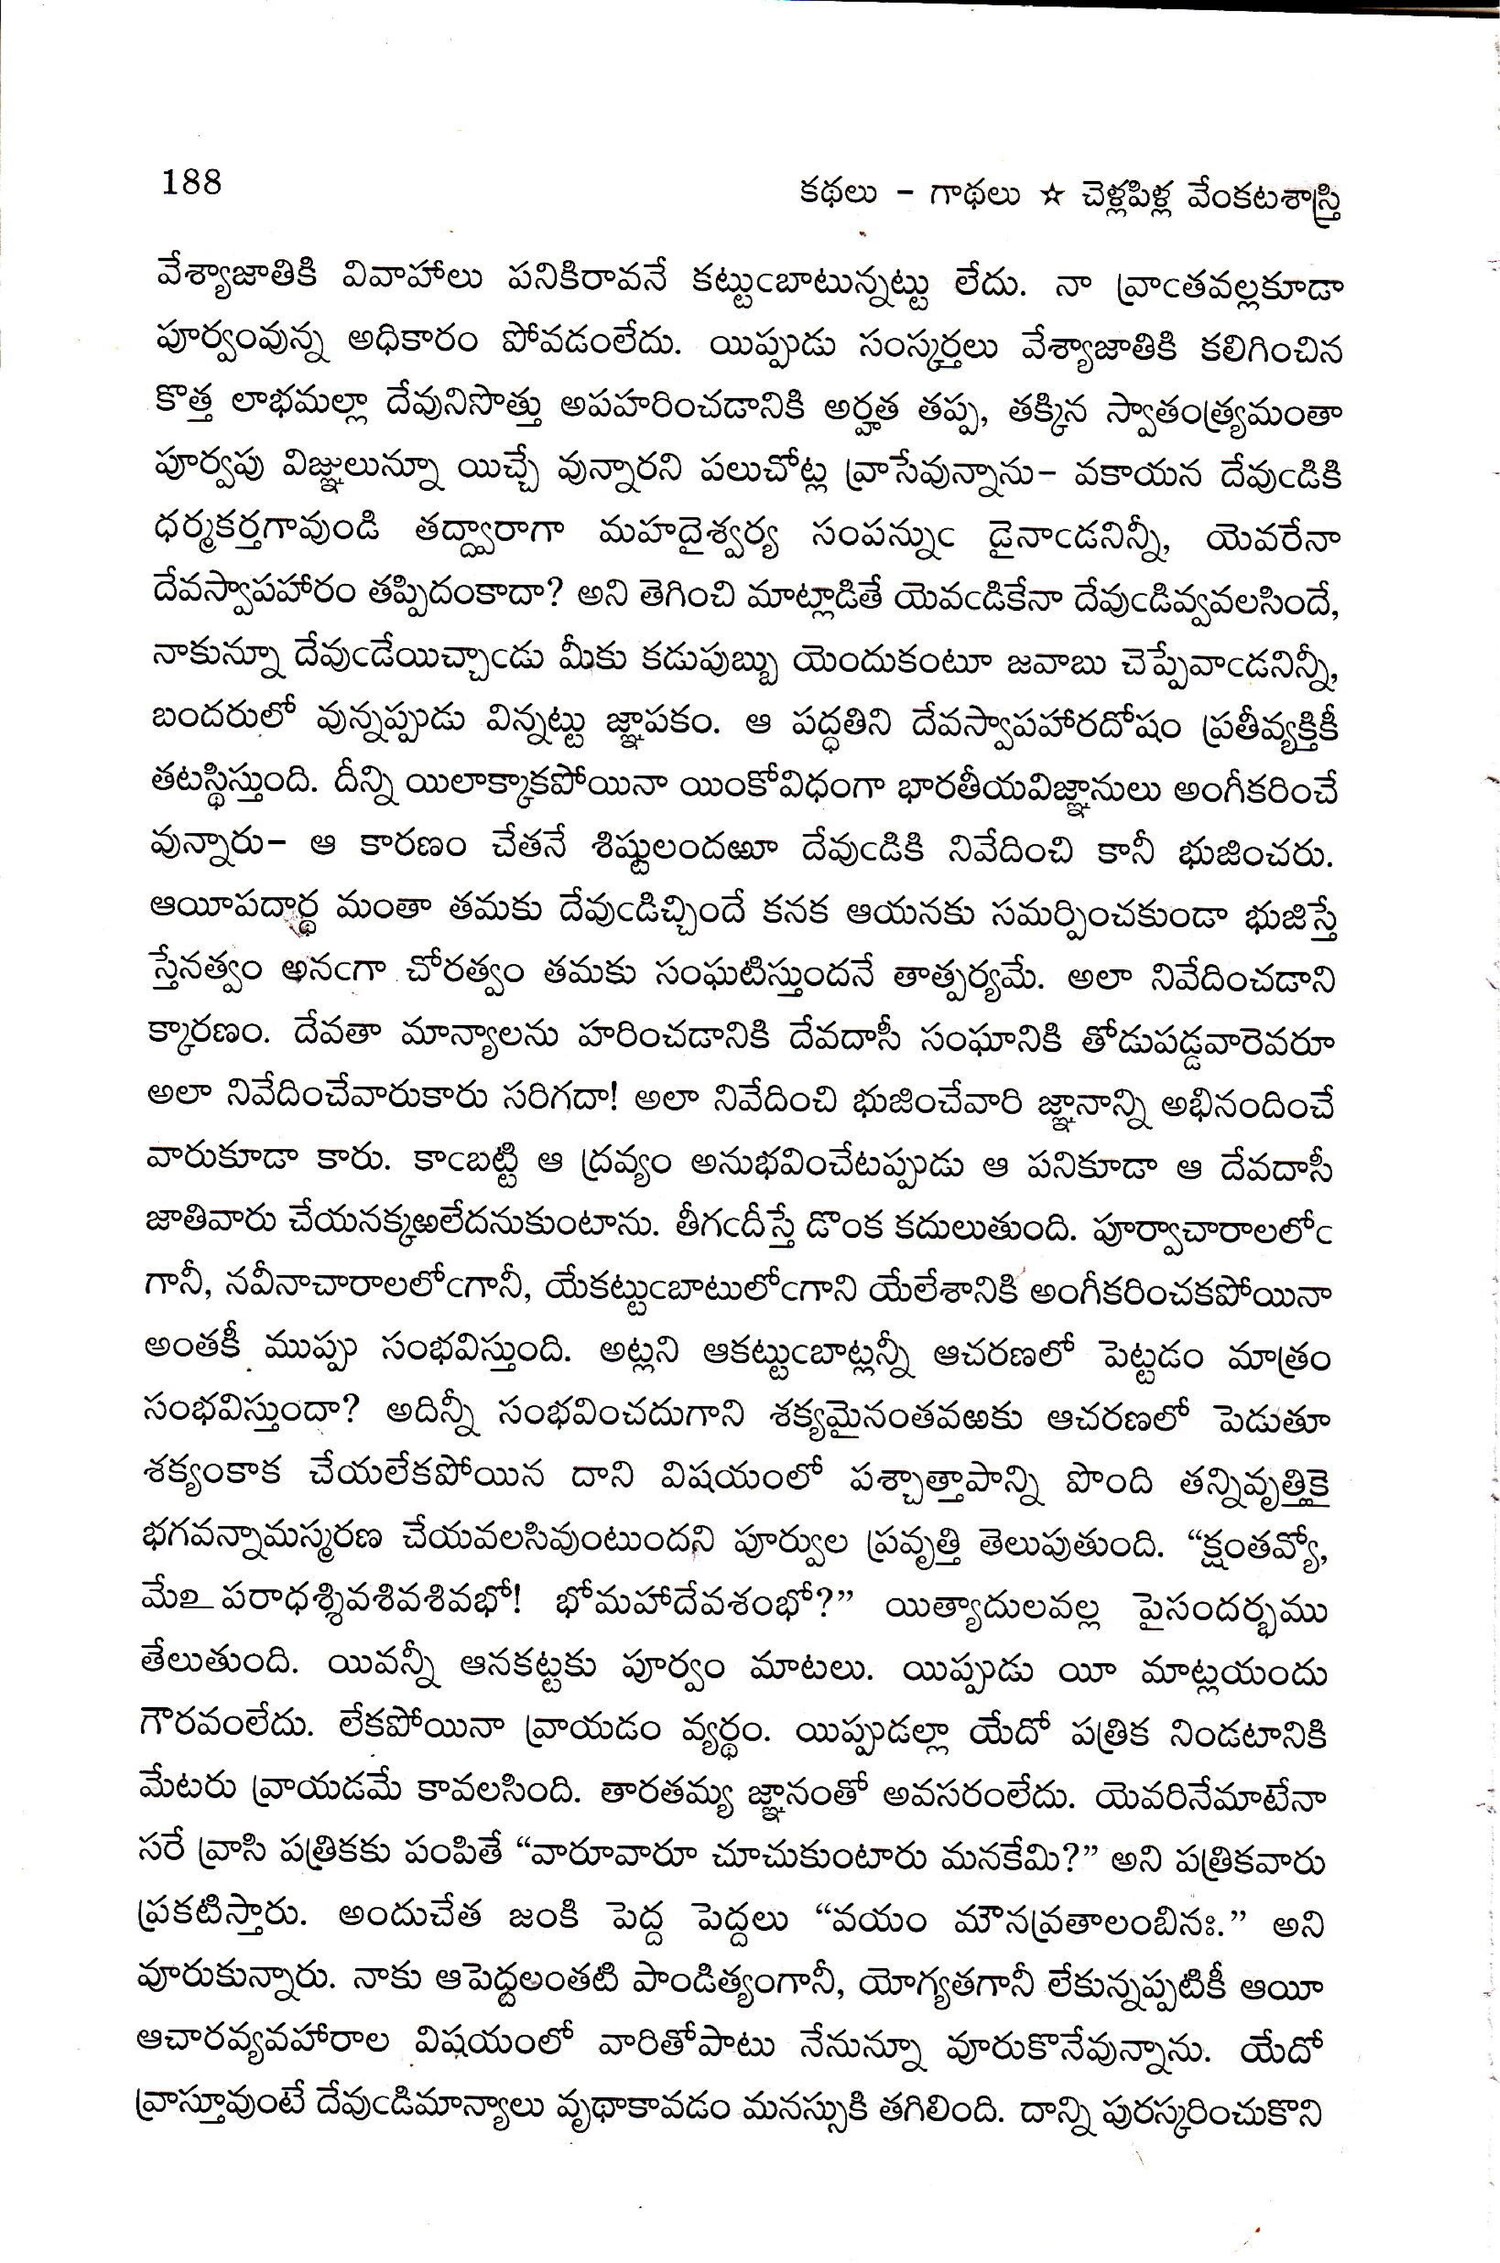వేశ్యాజాతికి వివాహాలు పనికిరావనే కట్టుఁబాటున్నట్టు లేదు. నా వ్రాఁతవల్లకూడా పూర్వంవున్న అధికారం పోవడంలేదు. యిప్పుడు సంస్కర్తలు వేశ్యాజాతికి కలిగించిన కొత్త లాభమల్లా దేవునిసొత్తు అపహరించడానికి అర్హత తప్ప, తక్కిన స్వాతంత్ర్యమంతా పూర్వపు విజ్ఞులున్నూ యిచ్చే వున్నారని పలుచోట్ల వ్రాసేవున్నాను- వకాయన దేవుఁడికి ధర్మకర్తగావుండి తద్ద్వారాగా మహదైశ్వర్య సంపన్నుఁ డైనాఁడనిన్నీ యెవరేనా దేవస్వాపహారం తప్పిదంకాదా? అని తెగించి మాట్లాడితే యెవఁడికేనా దేవుఁడివ్వవలసిందే, నాకున్నూ దేవుఁడేయిచ్చాఁడు మీకు కడుపుబ్బు యెందుకంటూ జవాబు చెప్పేవాఁడనిన్నీ బందరులో వున్నప్పుడు విన్నట్టు జ్ఞాపకం. ఆ పద్ధతిని దేవస్వాపహారదోషం ప్రతీవ్యక్తికీ తటస్థిస్తుంది. దీన్ని యిలాక్కాకపోయినా యింకోవిధంగా భారతీయవిజ్ఞానులు అంగీకరించే వున్నారు– ఆ కారణం చేతనే శిష్టులందఱూ దేవుఁడికి నివేదించి కానీ భుజించరు. ఆయీపదార్థ మంతా తమకు దేవుఁడిచ్చిందే కనక ఆయనకు సమర్పించకుండా భుజిస్తే స్తేనత్వం అనఁగా చోరత్వం తమకు సంఘటిస్తుందనే తాత్పర్యమే. అలా నివేదించడాని క్కారణం. దేవతా మాన్యాలను హరించడానికి దేవదాసీ సంఘానికి తోడుపడ్డవారెవరూ అలా నివేదించేవారుకారు సరిగదా! అలా నివేదించి భుజించేవారి జ్ఞానాన్ని అభినందించే వారుకూడా కారు. కాఁబట్టి ఆ ద్రవ్యం అనుభవించేటప్పడు ఆ పనికూడా ఆ దేవదాసీ జాతివారు చేయనక్కఱలేదనుకుంటాను. తీగఁదీస్తే డొంక కదులుతుంది. పూర్వాచారాలలోఁ గానీ, నవీనాచారాలలోఁగానీ, యేకట్టుఁబాటులోఁగాని యేలేశానికి అంగీకరించకపోయినా అంతకీ ముప్పు సంభవిస్తుంది. అట్లని ఆకట్టుఁబాట్లన్నీ ఆచరణలో పెట్టడం మాత్రం సంభవిస్తుందా? అదిన్నీ సంభవించదుగాని శక్యమైనంతవఱకు ఆచరణలో పెడుతూ శక్యంకాక చేయలేకపోయిన దాని విషయంలో పశ్చాత్తాపాన్ని పొంది తన్నివృత్తికై భగవన్నామస్మరణ చేయవలసివుంటుందని పూర్వుల ప్రవృత్తి తెలుపుతుంది. "క్షంతవ్యో, మేஉ పరాధశివశివశివభో! భోమహాదేవశంభో?” యిత్యాదులవల్ల పైసందర్భము తేలుతుంది. యివన్నీ ఆనకట్టకు పూర్వం మాటలు. యిప్పుడు యీ మాట్లయందు గౌరవంలేదు. లేకపోయినా వ్రాయడం వ్యర్థం. యిప్పుడల్లా యేదో పత్రిక నిండటానికి మేటరు వ్రాయడమే కావలసింది. తారతమ్య జ్ఞానంతో అవసరంలేదు. యెవరినేమాటేనా సరే వ్రాసి పత్రికకు పంపితే “వారూవారూ చూచుకుంటారు మనకేమి?” అని పత్రికవారు ప్రకటిస్తారు. అందుచేత జంకి పెద్ద పెద్దలు "వయం మౌనవ్రతాలంబినః." అని వూరుకున్నారు. నాకు ఆపెద్దలంతటి పాండిత్యంగానీ, యోగ్యతగానీ లేకున్నప్పటికీ ఆయీ ఆచారవ్యవహారాల విషయంలో వారితోపాటు నేనున్నూ వూరుకొనేవున్నాను. యేదో వ్రాస్తూవుంటే దేవుఁడిమాన్యాలు వృధాకావడం మనస్సుకి తగిలింది. దాన్ని పురస్కరించుకొని